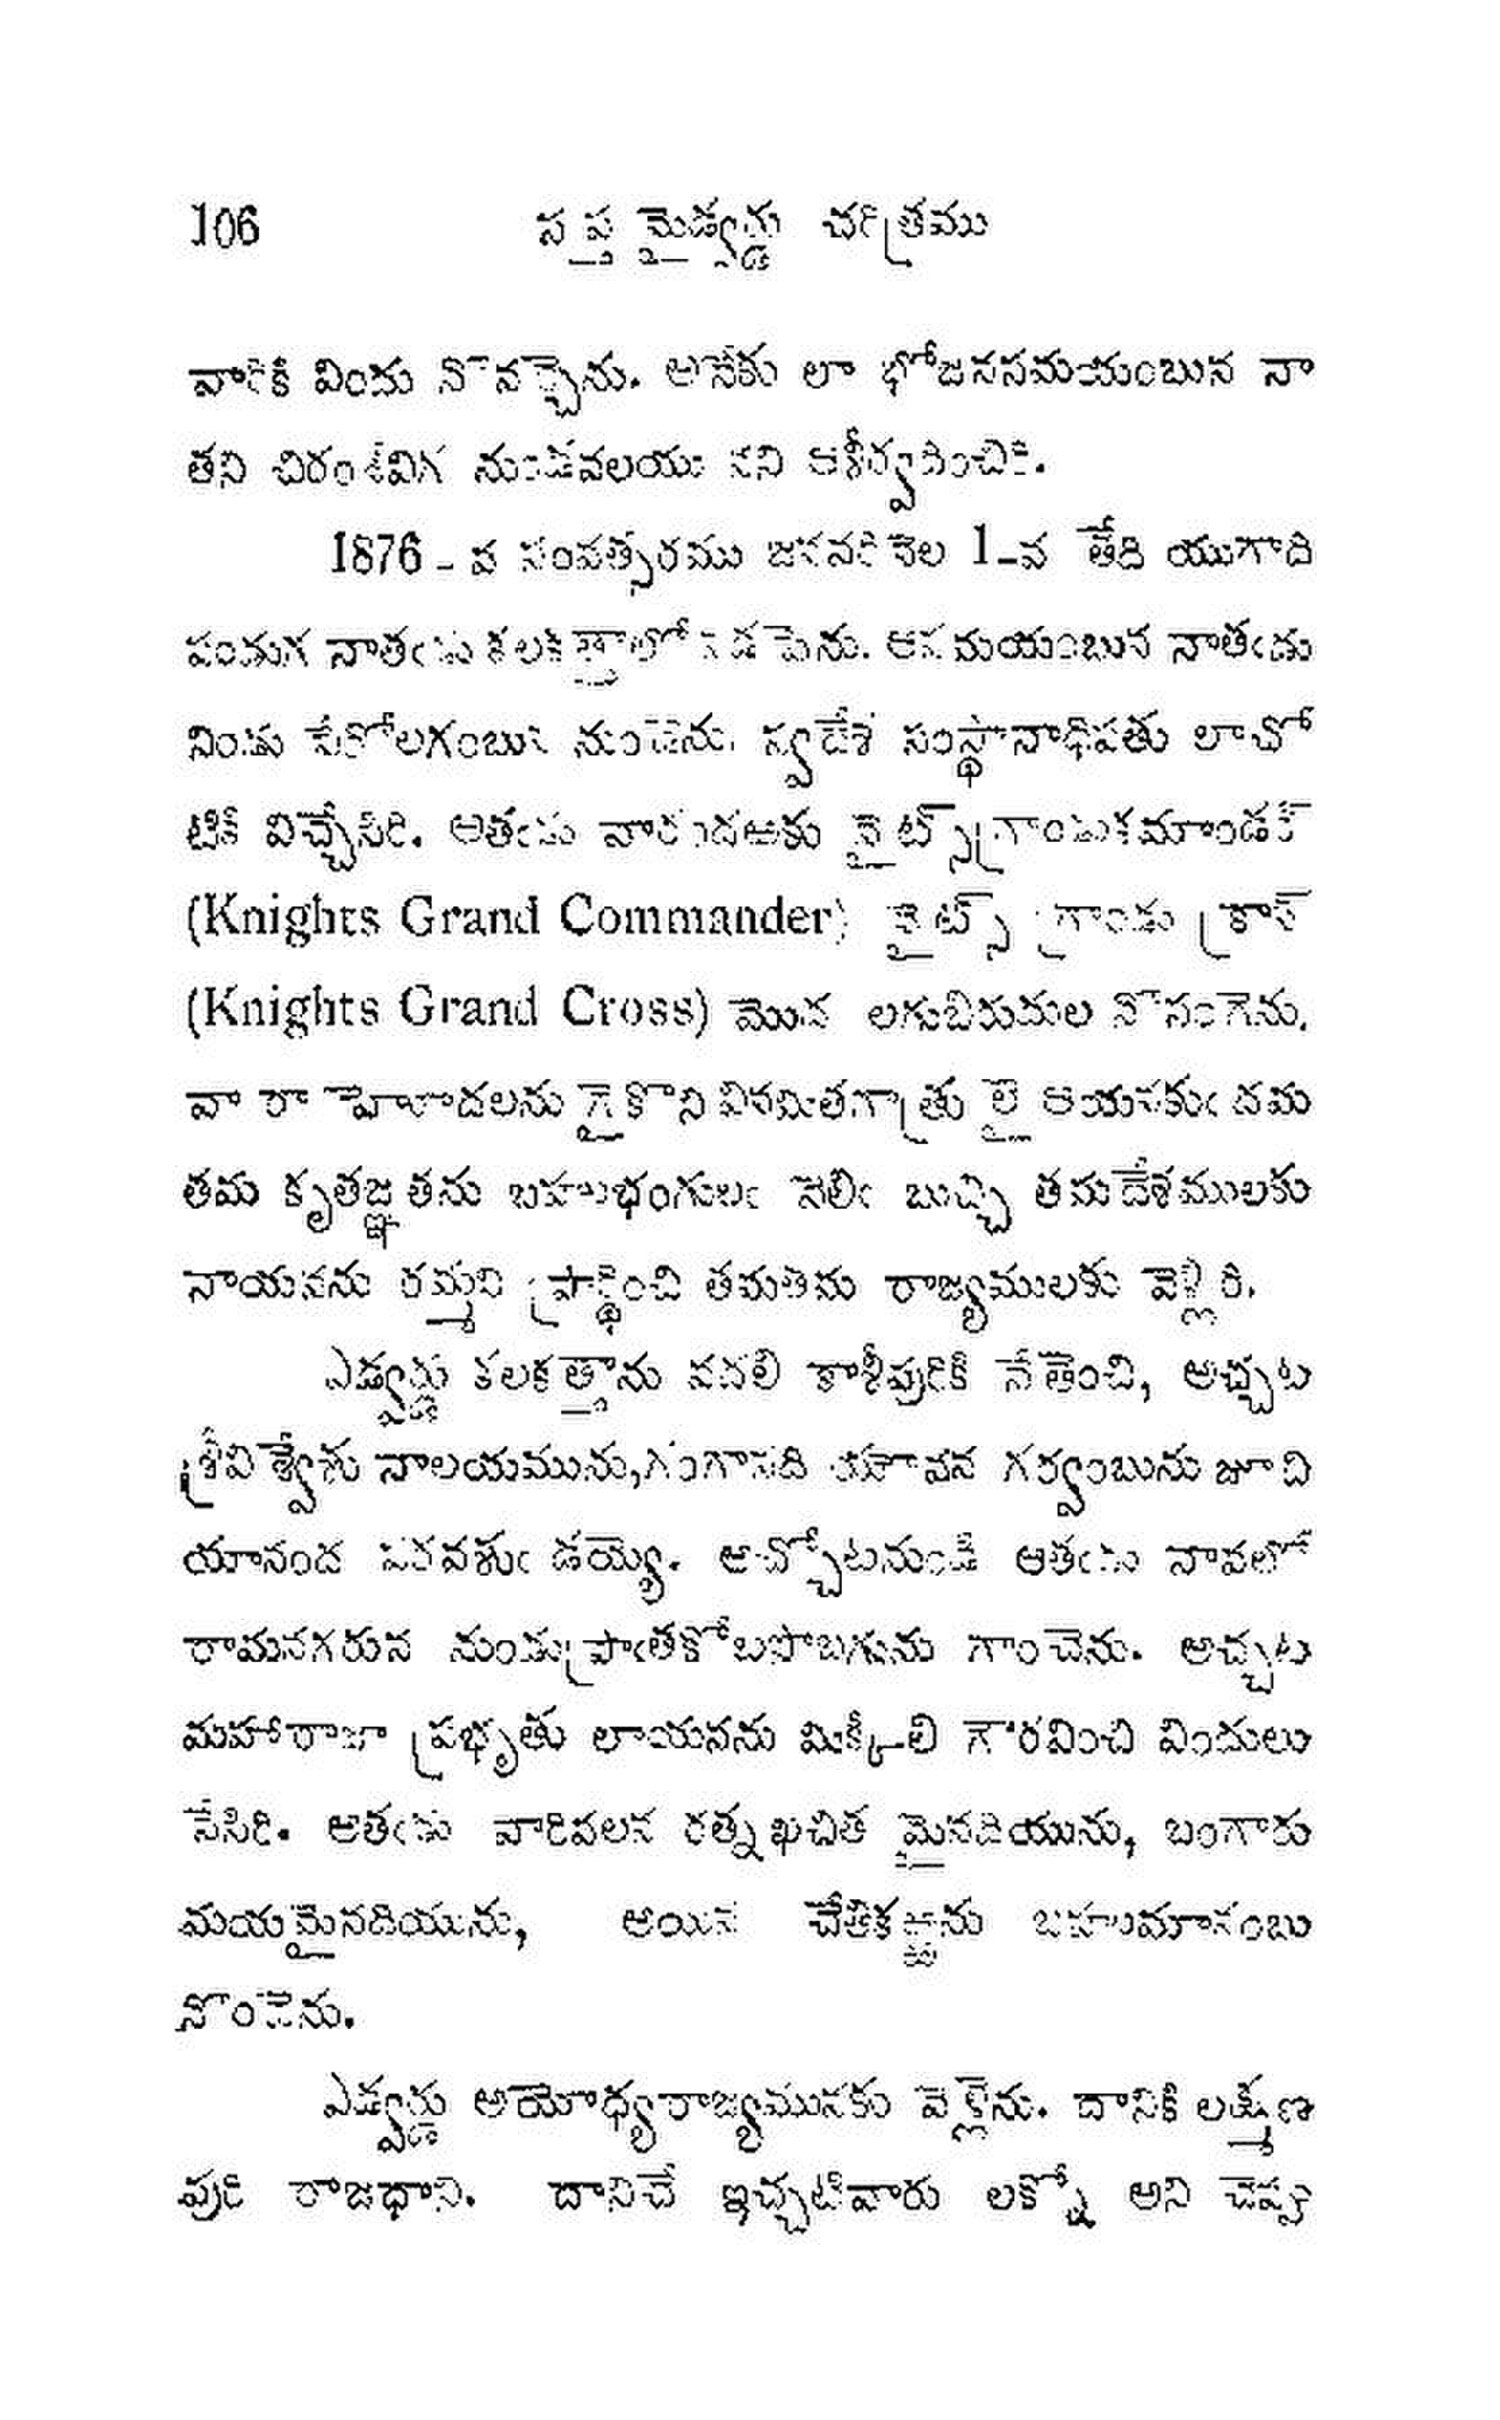వారికి విందు నొనర్చెను. అనేకులా భోజనస మయంబున నా తని చిరంజీవిగ నునుండ వలయనని ఆశ్వీరదించిరి.

1876 - వ సంవత్సరము జగవరి. నెల 1 వ తేది యుగాది పండుగ నాతడు కలకత్తాలో గడిపెను. ఈ సమయంబున నాతఁడు నిండు పేరోలగంబు నుండెను. స్వదేశీ సంస్థానాధిపతు లాచో టికి విచ్చేసరి. అతను నారందఱకు నైట్ కమాండర్ (Knights Granti Commander. వైట్స్ గ్రాండు కమాండర్ (knights Grand Cross) మొద లగుబిరుదముల నొసంగెను. వారా హోదలను గైకొని వివమిత గాత్రులై ఆయనకుఁ తమ తమ కృత తను బహు భంగుల వెలి: బుచ్చిరి. తమ దేశములకు నాయనను రమ్మని ప్రార్ధించి తమతమ రాజ్యములకు వెళ్లి రి,

ఎడ్వర్డు కలకత్తాను వదలి కాశీపురికి నేతెంచి, అచ్చట శ్రీవిశ్వేశు నాలయమును, గంగానది యౌవన గర్వంబును జూచి యానంద పరవశుడయ్యె. ఆచ్చోటును ఆతని నావలో రామనగరున నుండు ప్రాతకోట సొబగును గాంచెను. అచ్చట మహారాజా ప్రభృతు లాయనను మిక్కిలి గౌరవించి విందులు సేసిరి. అతను వారివలన రత్న ఖచితమైనదియును, బంగారు మయమైనదియును, అయిన చేతికర్రను బహుమానంబు నొందెను.

ఎడ్వర్డు అయోధ్య రాజ్యమునకు వెళ్లెను. దానికి లక్ష్మణ పురి రాజధాని, దానిచే ఇచ్చటి వారు లక్నో అని చెప్పు